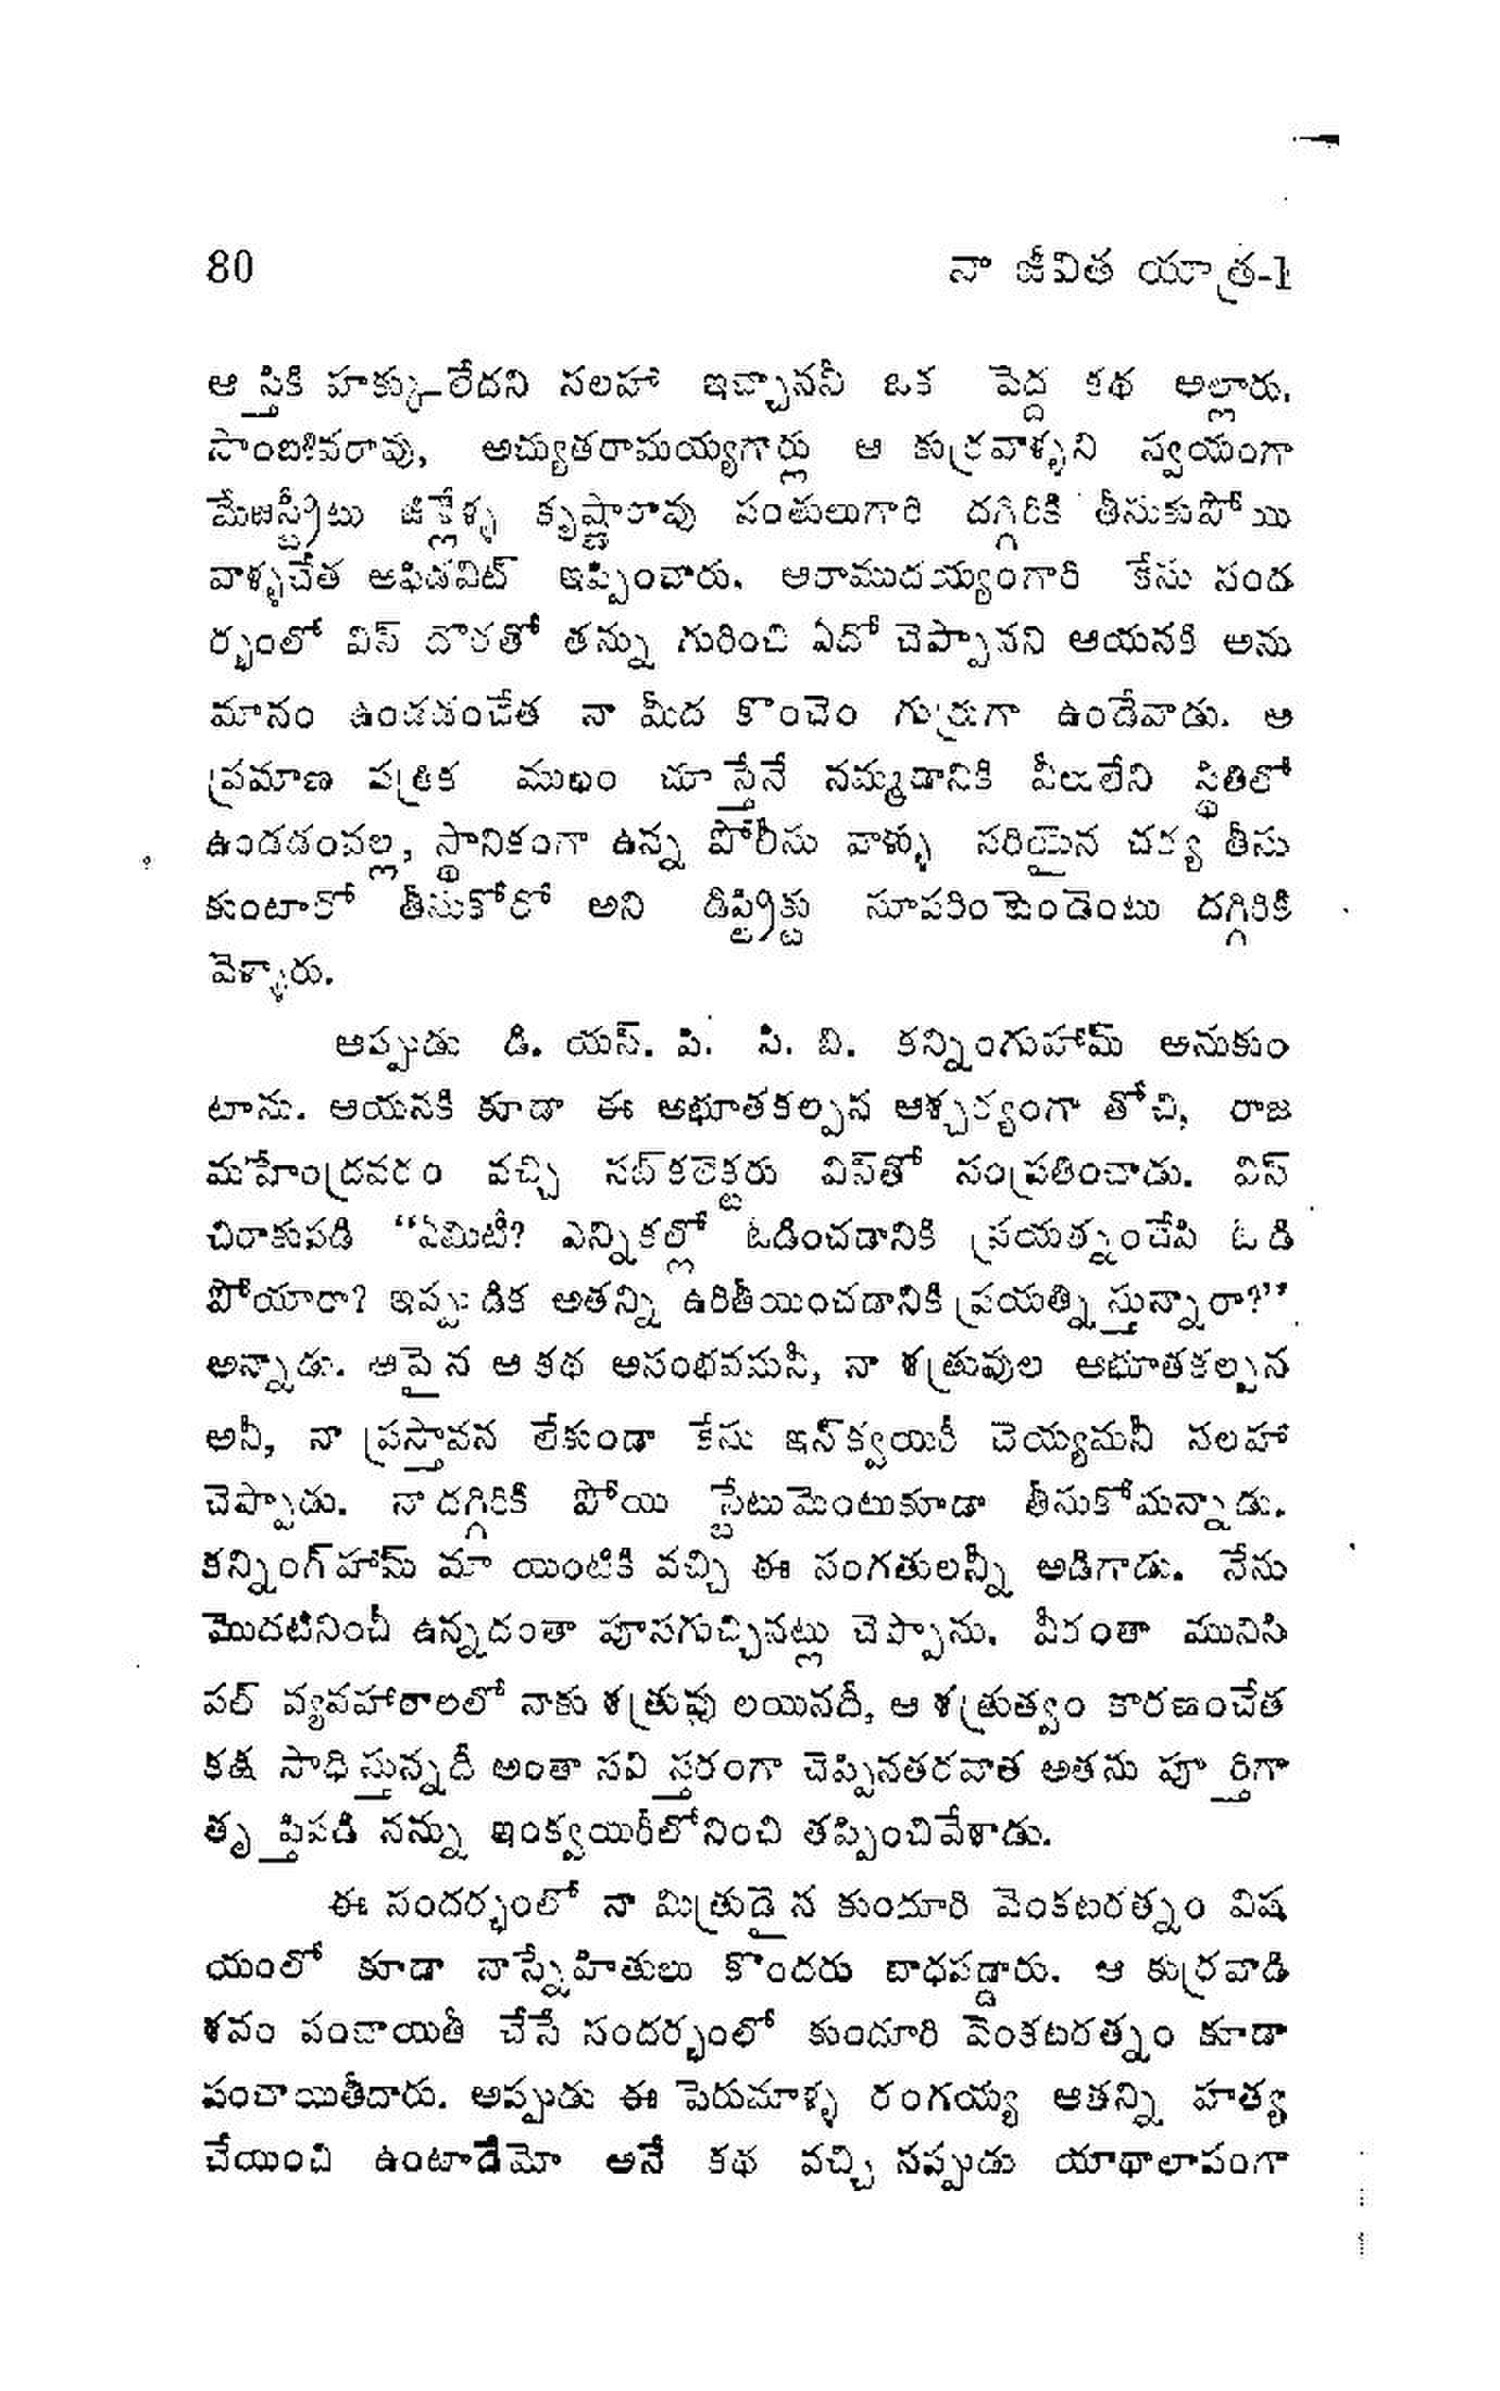ఆస్తికి హక్కులేదని సలహా ఇచ్చాననీ ఒక పెద్ద కథ అల్లారు. సాంబశివరావు, అచ్యుతరామయ్యగార్లు ఆ కుర్రవాళ్ళని స్వయంగా మేజస్ట్రీటు జిళ్లేళ్ళ కృష్ణారావు పంతులుగారి దగ్గిరికి తీసుకుపోయి వాళ్ళచేత అఫిడవిట్ ఇప్పించారు. ఆరాముదయ్యంగారి కేసు సందర్బంలో విస్ దొరతో తన్ను గురించి ఏదో చెప్పానని ఆయనకి అనుమానం ఉండడంచేత నా మీద కొంచెం గుర్రుగా ఉండేవాడు. ఆ ప్రమాణ పత్రిక ముఖం చూస్తేనే నమ్మడానికి వీలులేని స్థితిలో ఉండడంవల్ల, స్థానికంగా ఉన్న పోలీసు వాళ్ళు సరియైన చర్య తీసుకుంటారో తీసుకోరో అని డిస్ట్రిక్టు సూపరింటెండెంటు దగ్గిరికి వెళ్ళారు.

అప్పుడు డి. యస్. పి. సి. బి. కన్నింగుహాం అనుకుంటాను. ఆయనకి కూడా ఈ అభూతకల్పన ఆశ్చర్యంగా తోచి, రాజమహేంద్రవరం వచ్చి సబ్‌కలెక్టరు విస్‌తో సంప్రతించాడు. విస్ చిరాకుపడి "ఏమిటీ? ఎన్నికల్లో ఓడించడానికి ప్రయత్నంచేసి ఓడిపోయారా? ఇప్పుడిక అతన్ని ఉరితీయించడానికి ప్రయత్నిస్తున్నారా?" అన్నాడు. ఆపైన ఆ కథ అసంభవమనీ, నా శత్రువుల అభూతకల్పన అనీ, నా ప్రస్తావన లేకుండా కేసు ఇన్‌క్వయిరీ చెయ్యమనీ సలహా చెప్పాడు. నా దగ్గిరికి పోయి స్టేటుమెంటుకూడా తీసుకోమన్నాడు. కన్నింగ్‌హామ్ మా యింటికి వచ్చి ఈ సంగతులన్నీ అడిగాడు. నేను మొదటినించీ ఉన్నదంతా పూసగుచ్చినట్లు చెప్పాను. వీరంతా మునిసిపల్ వ్యవహారాలలో నాకు శత్రువు లయినదీ, ఆ శత్రుత్వం కారణంచేత కక్ష సాధిస్తున్నదీ అంతా సవిస్తరంగా చెప్పినతరవాత అతను పూర్తిగా తృప్తిపడి నన్ను ఇంక్వయిరీలోనించి తప్పించివేశాడు.

ఈ సందర్భంలో నా మిత్రుడైన కందుకూరి వెంకటరత్నం విషయంలో కూడా నాస్నేహితులు కొందరు బాధపడ్డారు. ఆ కుర్రవాడి శవం పంచాయతీ చేసే సందర్భంలో కందుకూరి వెంకటరత్నం కూడా పంచాయితీదారు. అప్పుడు ఈ పెరుమాళ్ళ రంగయ్య అతన్ని హత్యచేయించి ఉంటాడేమో అనే కథ వచ్చి నప్పుడు యాథాలాపంగా